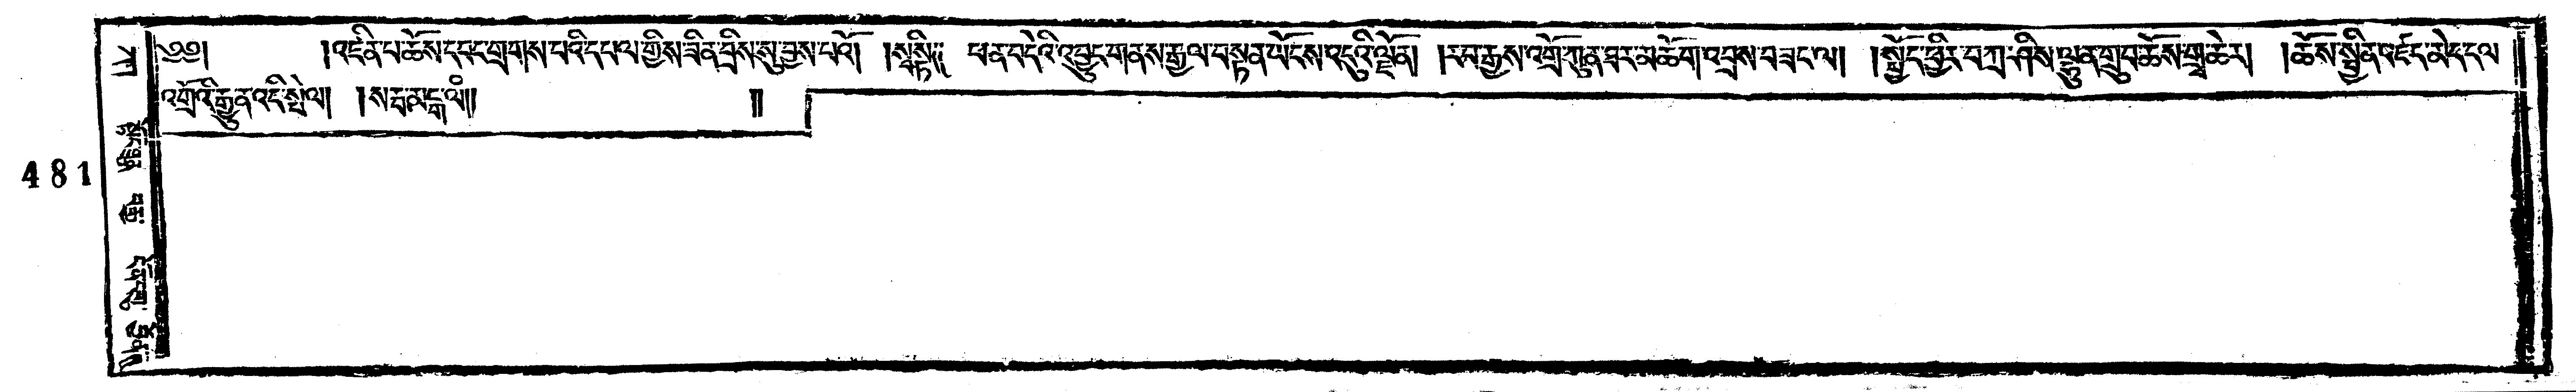༄༅། །འཛིན་པ་ཆོས་དབང་གྲགས་པའི་དཔལ་གྱིས་ཟིན་བྲིས་སུ་བྱས་པའོ། །སྭ་སྟི༑༑ ཕན་བདེའི་འབྱུང་གནས་རྒྱལ་བསྟན་ཡོངས་འདུའི་ལྗོན། །རབ་རྒྱས་འགྲོ་ཀུན་ཐར་མཆོག་འབྲས་བཟང་ལ། །སྤྱོད་ཕྱིར་བཀྲ་ཤིས་ལྷུན་གྲུབ་ཆོས་གྲྭ་ཆེར། །ཆོས་སྦྱིན་འཛད་མེད་དལ་
འགྲོའི་རྒྱུན་འདི་སྤེལ། །སརྦ་མངྒ་ལཾ།། །།